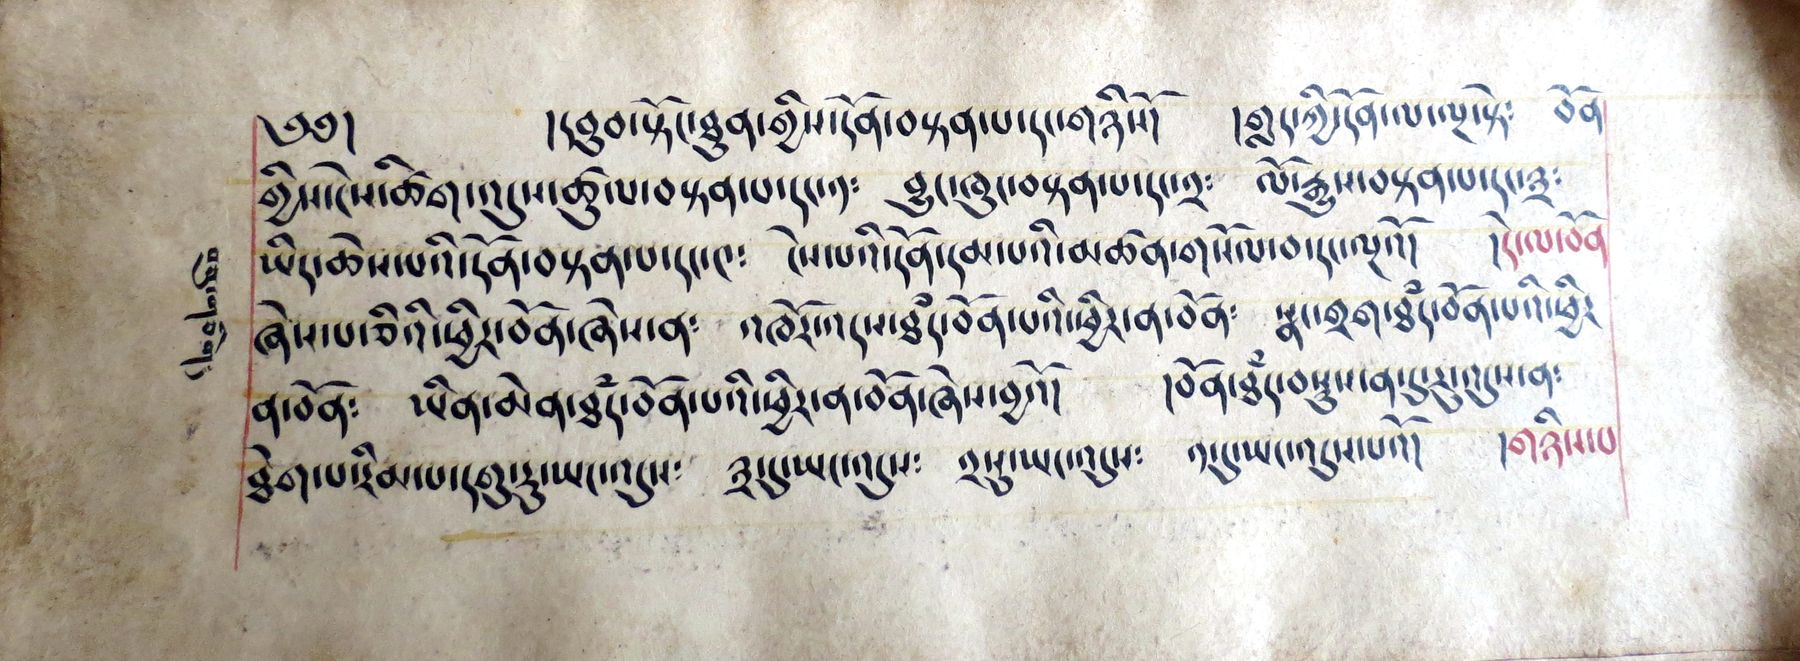དབུབས་སྟོང་ཐུན་གྱིས་དོན་བསྟན་པ་དང་གཉིས་སོ། ཀླད་ཀྱི་དོན་ལ་ལྔ་སྟེ། བོན་
གྱིས་ངེས་ཚིག་འདུས་ཚུལ་བསྟན་པ་དང་གཅིག བྱུང་ཁུངས་བསྟན་པ་དང་གཉིས། 
ལོ་རྒྱུས་བསྟན་པ་དང་གསུམ། ཡིད་ཆེས་པའི་དོན་བསྟན་པ་དང་བཞི། ངེས་པའི་དོན་དམ་པའི་མཚན་གསོལ་བ་དང་ལྔའོ། །དེ་ལ་བོན་
ཞེས་བྱ་བ་ཅིའི་ཕྱིར་བོན་ཞེ་ན། འཁོར་འདས་ཐམས་ཅད་བོན་པའི་ཕྱིར་ན་བོན། སྣང་གྲགས་ཐམས་ཅད་བོན་པའི་ཕྱིར་
ན་བོན། ཡིན་མིན་ཐམས་ཅད་བོན་པའི་ཕྱིར་ན་བོན་ཞེས་བྱའོ། །བོན་ཐམས་ཅད་བསྡུས་ན་དུ་རུ་འདུས་ན། 
ཐེག་པའི་རིམ་པ་དགུ་རུ་ཡང་འདུས། གསུམ་དུ་ཡང་འདུས། གཉིས་སུ་ཡང་འདུས། གཅིག་ཏུ་ཡང་འདུས་པའོ། །གཉིས་པ་